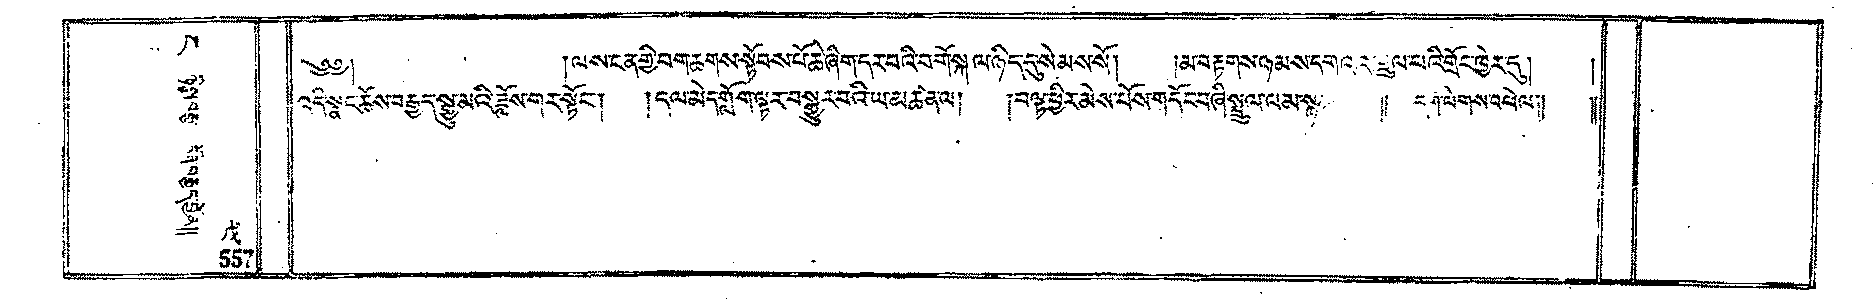༄༅། །ལས་ངན་གྱི་བག་ཆགས་སྟོབས་པོ་ཆེ་ཞིག་དར་བའི་བགོ་སྐལ་ཉིད་དུ་སེམས་སོ། །མ་བརྟགས་ཉམས་དགའ་འཁྲུལ་པའི་གྲོང་ཁྱེར་དུ། །
འདི་སྣང་ཆོས་བརྒྱད་སྒྱུ་མའི་ཟློས་གར་སྟོང་། །དལ་མེད་གློག་ལྟར་བསྒྱུར་བའི་ཡ་མཚན་ལ། །བལྟ་ཕྱིར་མེས་པོས་གདོང་བཞི་སྤྲུལ་ལམ་སྙམ་།། དགེ་ལེགས་འཕེལ།། །།